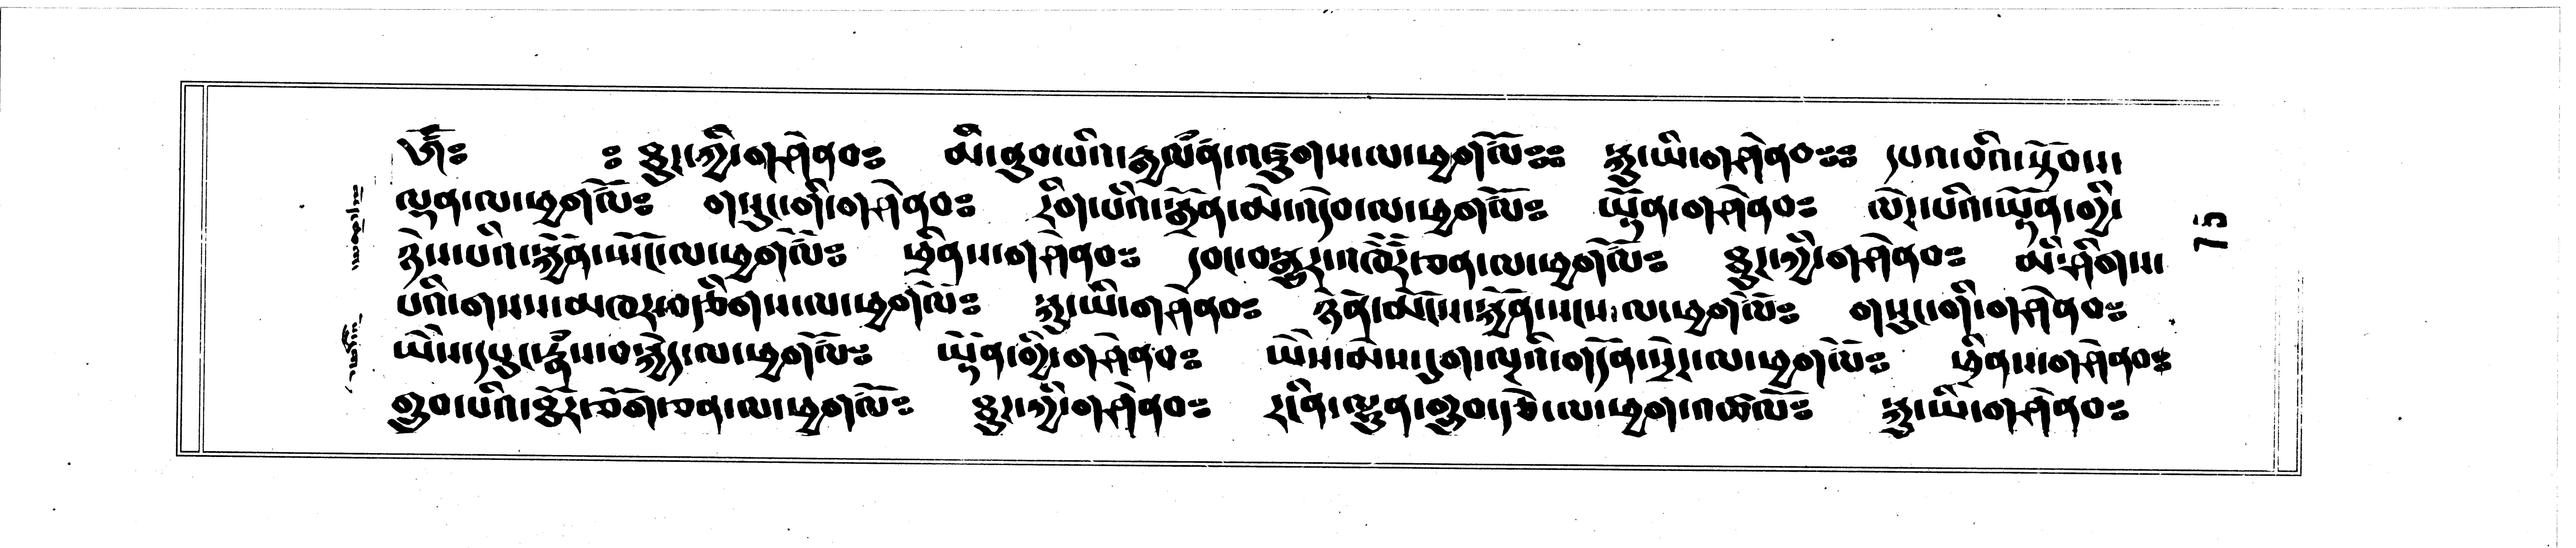ཐུགས་ཀྱི་གཤེན་རབཿ མི་ནུབ་པའི་རྒྱལ་མཚན་འཛུགས་ལ་ཕྱག་འཚལ་ལོཿ སྐུ་ཡི་གཤེན་རབཿ དཔའ་བའི་སྟོབས་
ལྡན་ལ་ཕྱག་འཚལ་ལོཿ གསུང་གི་གཤེན་རབཿ རིག་པའི་སྒྲོན་མེ་འདེགས་ལ་ཕྱག་འཚལ་ལོཿ ཡོན་ཏན་གྱི་གཤེན་རབཿ ལེགས་པའི་ཡོན་ཏན་གྱིས་
ཉེས་པའི་སྐྱོན་སྤོང་ལ་ཕྱག་འཚལ་ལོཿ ཕྲིན་ལས་ཀྱི་གཤེན་རབཿ དབང་སྒྱུར་འཁོར་ལོ་ཅན་ལ་ཕྱག་འཚལ་ལོཿ ཐུགས་ཀྱི་གཤེན་རབཿ མི་ཤིགས་
པའི་གསས་མཁར་བརྩེགས་ལ་ཕྱག་འཚལ་ལོཿ སྐུ་ཡི་གཤེན་རབཿ ཉོན་མོངས་སྐྱོན་སངས་ལ་ཕྱག་འཚལ་ལོཿ གསུང་གི་གཤེན་རབ་ལཿ
 ཡེ་ཤེས་དཔུང་རྣམས་བསྐྱེད་ལ་ཕྱག་འཚལ་ལོཿ ཡོན་ཏན་གྱི་གཤེན་རབཿ ཡེ་ཤེས་ཀྱི་མེས་དུག་ལྔའི་གདོན་སྲེག་ལ་ཕྱག་འཚལ་ལོཿ ཕྲིན་ལས་ཀྱི་གཤེན་རབཿ
 གྲུབ་པའི་ཐོར་ཅོག་ཅན་ལ་ཕྱག་འཚལ་ལོཿ ཐུགས་ཀྱི་གཤེན་རབཿ རང་བཞིན་ལྷུན་གྲུབ་རྩེ་ལ་ཕྱག་འཚལ་ལོཿ སྐུ་ཡི་གཤེན་རབཿ